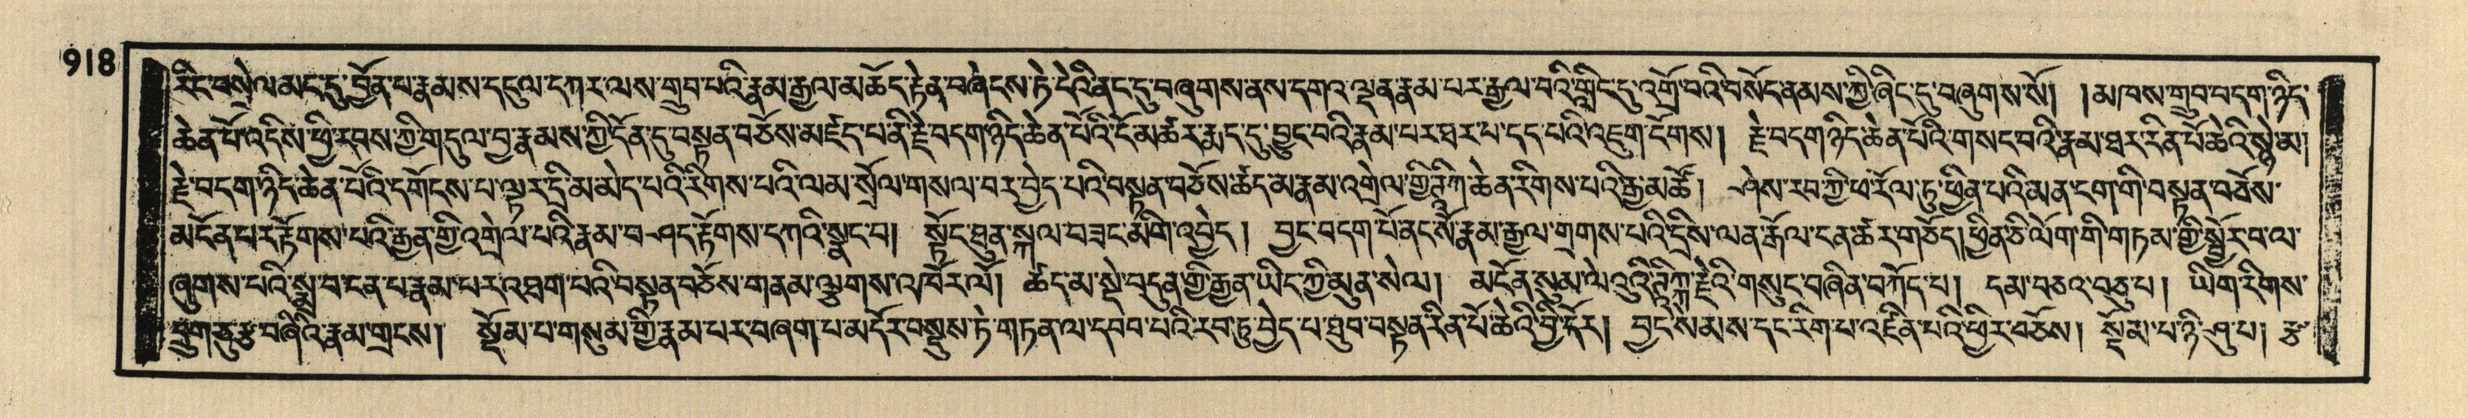རིང་བསྲེལ་མང་དུ་བྱོན་པ་རྣམས་དངུལ་དཀར་ལས་གྲུབ་པའི་རྣམ་རྒྱལ་མཆོད་རྟེན་བཞེངས་ཏེ་དེའི་ནང་དུ་བཞུགས་ནས་དགའ་ལྡན་རྣམ་པར་རྒྱལ་བའི་གླིང་དུ་འགྲོ་བའི་བསོད་ནམས་ཀྱི་ཞིང་དུ་བཞུགས་སོ། །མཁས་གྲུབ་བདག་ཉིད་
ཆེན་པོ་འདིས་ཕྱི་རབས་ཀྱི་གདུལ་བྱ་རྣམས་ཀྱི་དོན་དུ་བསྟན་བཅོས་མཛད་པ་ནི་རྗེ་བདག་ཉིད་ཆེན་པོའི་ངོ་མཚར་རྨད་དུ་བྱུང་བའི་རྣམ་པར་ཐར་པ་དད་པའི་འཇུག་དོགས། རྗེ་བདག་ཉིད་ཆེན་པོའི་གསང་བའི་རྣམ་ཐར་རིན་པོ་ཆེའི་སྙེ་མ།
རྗེ་བདག་ཉིད་ཆེན་པོའི་དགོངས་པ་ལྟར་དྲི་མ་མེད་པའི་རིགས་པའི་ལམ་སྲོལ་གསལ་བར་བྱེད་པའི་བསྟན་བཅོས་ཚད་མ་རྣམ་འགྲེལ་གྱི་ཊཱིཀ་ཆེན་རིགས་པའི་རྒྱ་མཚོ། ཤེས་རབ་ཀྱི་ཕ་རོལ་ཏུ་ཕྱིན་པའི་མན་ངག་གི་བསྟན་བཅོས་
མངོན་པར་རྟོགས་པའི་རྒྱན་གྱི་འགྲེལ་པའི་རྣམ་བཤད་རྟོགས་དཀའི་སྣང་བ། སྟོང་ཐུན་སྐལ་བཟང་མིག་འབྱེད། བྱང་བདག་པོ་ནང་སོ་རྣམ་རྒྱལ་གྲགས་པའི་དྲིས་ལན་རྒོལ་ངན་ཚར་གཅོད། ཕྱིན་ཅི་ལོག་གི་གཏམ་གྱི་སྦྱོར་བ་ལ་
ཞུགས་པའི་སྨྲ་བ་ངན་པ་རྣམ་པར་འཐག་པའི་བསྟན་བཅོས་གནམ་ལྕགས་འཁོར་ལོ། ཚད་མ་སྡེ་བདུན་གྱི་རྒྱན་ཡིད་ཀྱི་མུན་སེལ། མངོན་སུམ་ལེའུའི་ཊཱིཀྐ་རྗེའི་གསུང་བཞིན་བཀོད་པ། དམ་བཅའ་བཅུ་པ། ཡིག་རིགས་
དྲུག་ཅུ་རྩ་བཞིའི་རྣམ་གྲངས། སྡོམ་པ་གསུམ་གྱི་རྣམ་པར་བཞག་པ་མདོར་བསྡུས་ཏེ་གཏན་ལ་དབབ་པའི་རབ་ཏུ་བྱེད་པ་ཐུབ་བསྟན་རིན་པོ་ཆེའི་བྱི་དོར། བྱང་སེམས་དང་རིག་པ་འཛིན་པའི་ཕྱིར་བཅོས། སྡོམ་པ་ཉི་ཤུ་པ། རྩ་